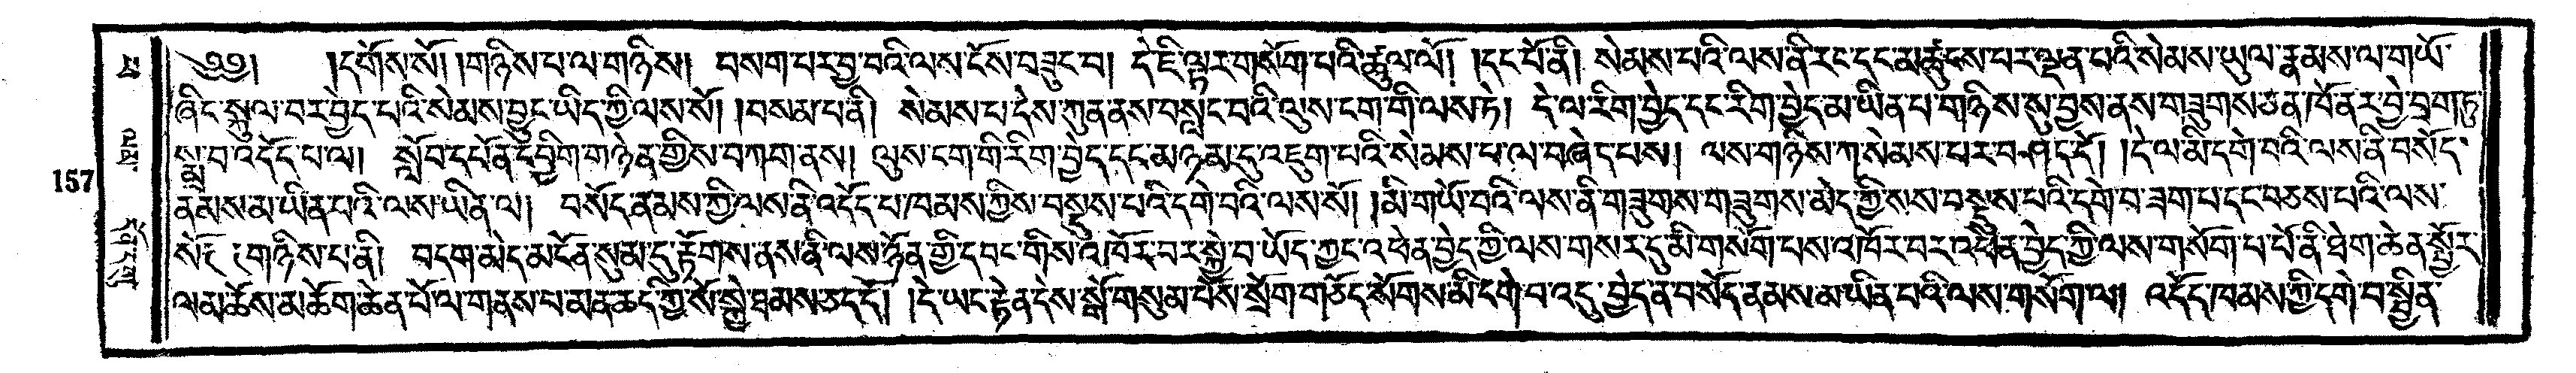༄༅། །དགོས་སོ། །གཉིས་པ་ལ་གཉིས། བསག་པར་བྱ་བའི་ལས་ངོས་བཟུང་བ། དེ་ཇི་ལྟར་གསོག་པའི་ཚུལ་ལོ། །དང་པོ་ནི། སེམས་པའི་ལས་ནི་རང་དང་མཚུངས་པར་ལྡན་པའི་སེམས་ཡུལ་རྣམས་ལ་གཡོ་
ཞིང་སྐུལ་བར་བྱེད་པའི་སེམས་བྱུང་ཡིད་ཀྱི་ལས་སོ། །བསམ་པ་ནི། སེམས་པ་དེས་ཀུན་ནས་བསླང་བའི་ལུས་ངག་གི་ལས་ཏེ། དེ་ལ་རིག་བྱེད་དང་རིག་བྱེད་མ་ཡིན་པ་གཉིས་སུ་བྱས་ནས་གཟུགས་ཅན་ཁོ་ནར་བྱེ་བྲག་ཏུ་
སྨྲ་བ་འདོད་པ་ལ། སློབ་དཔོན་དབྱིག་གཉེན་གྱིས་བཀག་ནས། ལུས་ངག་གི་རིག་བྱེད་དང་མཉམ་དུ་འཇུག་པའི་སེམས་པ་ལ་བཞེད་པས། ལས་གཉིས་ཀ་སེམས་པར་བཤད་དོ། །དེ་ལ་མི་དགེ་བའི་ལས་ནི་བསོད་
ནམས་མ་ཡིན་པའི་ལས་ཡིན་ལ། བསོད་ནམས་ཀྱི་ལས་ནི་འདོད་པ་ཁམས་ཀྱིས་བསྡུས་པའི་དགེ་བའི་ལས་སོ། །མི་གཡོ་བའི་ལས་ནི་གཟུགས་གཟུགས་མེད་ཀྱི་སས་བསྡུས་པའི་དགེ་བ་ཟག་པ་དང་བཅས་པའི་ལས་
སོ༑ ༑གཉིས་པ་ནི། བདག་མེད་མངོན་སུམ་དུ་རྟོགས་ནས་ནི་ལས་ཉོན་གྱི་དབང་གིས་འཁོར་བར་སྐྱེ་བ་ཡོད་ཀྱང་འཕེན་བྱེད་ཀྱི་ལས་གསར་དུ་མི་གསོག་པས་འཁོར་བར་འཕེན་བྱེད་ཀྱི་ལས་གསོག་པ་པོ་ནི་ཐེག་ཆེན་སྤྱོར་
ལམ་ཆོས་མཆོག་ཆེན་པོ་ལ་གནས་པ་མན་ཆད་ཀྱི་སོ་སྐྱེ་ཐམས་ཅད་དོ། །དེ་ཡང་རྟེན་དེས་སྒོ་གསུམ་པོས་སྲོག་གཅོད་སོགས་མི་དགེ་བ་འདུ་བྱེད་ན་བསོད་ནམས་མ་ཡིན་པའི་ལས་གསོག་ལ། འདོད་ཁམས་ཀྱི་དགེ་བ་སྦྱིན་